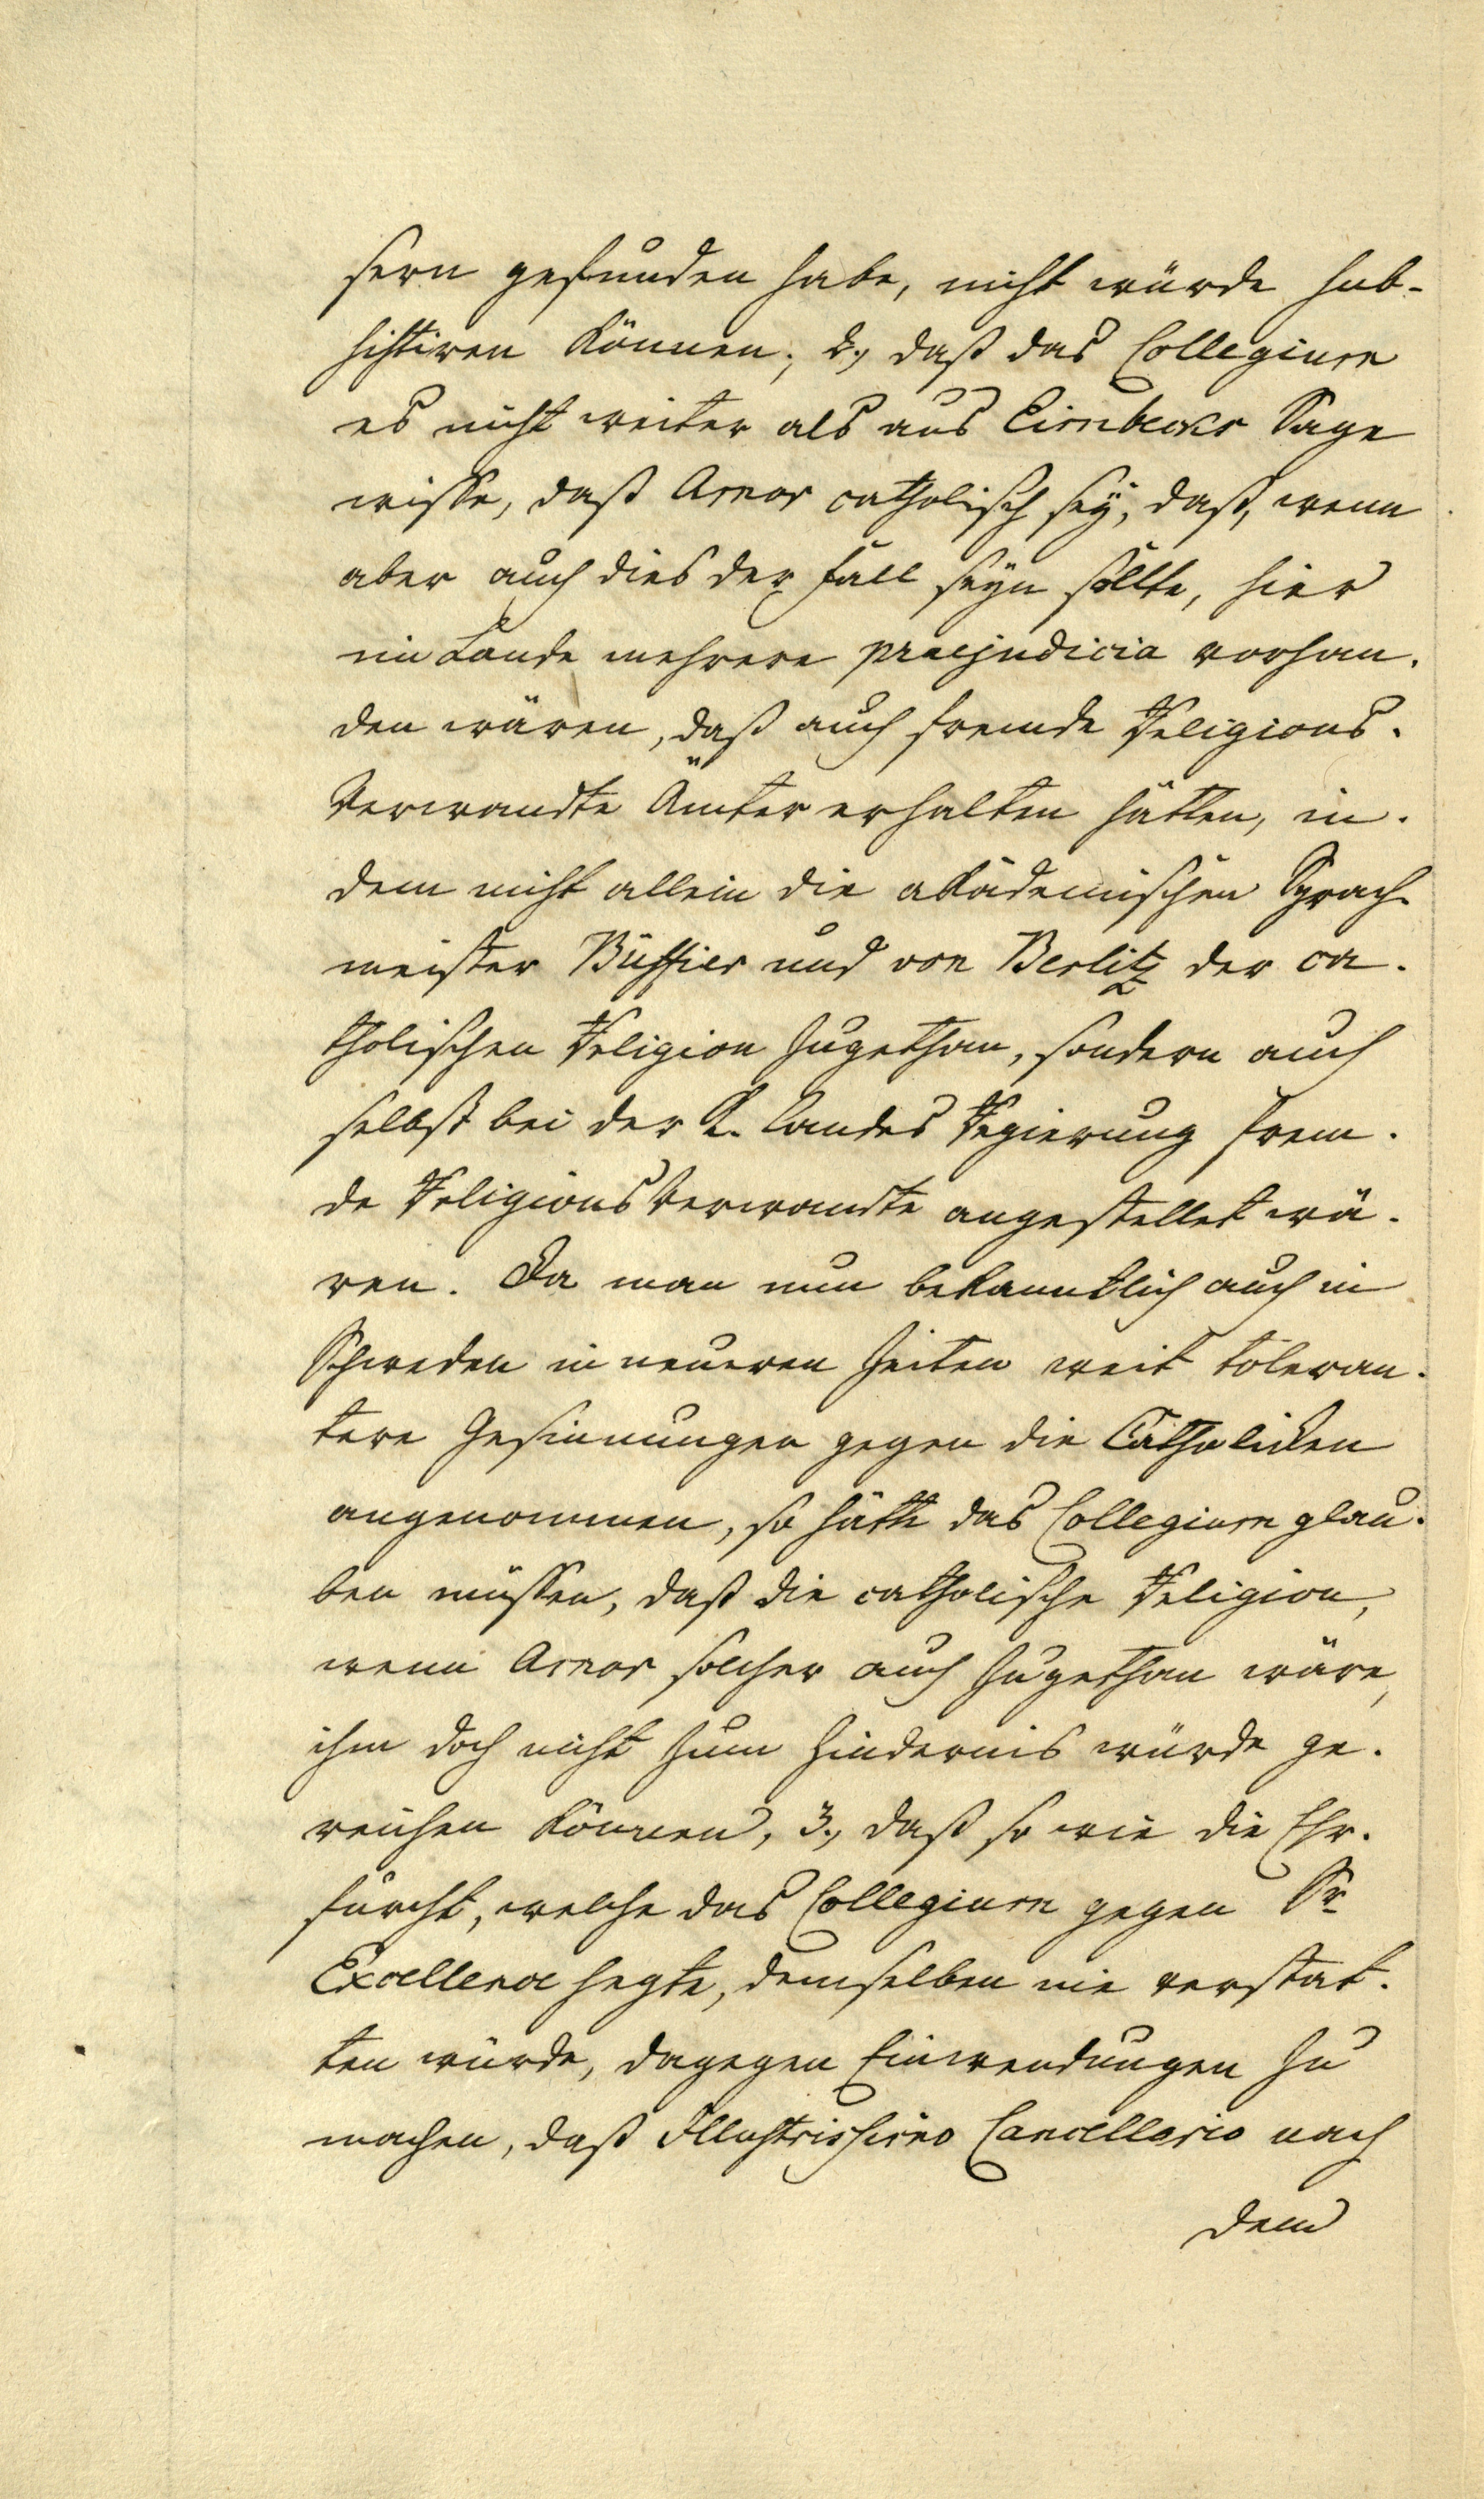sern gefunden habe, nicht würde sub¬
sistiren können; 2., daß das Collegium
es nicht weiter als aus Eimbecks Sage
wisse, daß Amor catholisch seÿ; daß, wenn
aber auch dies der Fall seÿn sollte, hier
im Lande mehrere praejudicia vorhan¬
den wären, daß auch fremde Religions¬
Verwandte Ämter erhalten hätten, in¬
dem nicht allein die akademischen Sprach¬
meister Büffier und von Berlitz der ca¬
tholischen Religion zugethan, sondern auch
selbst bei der K. Landes Regierung frem¬
de ReligionsVerwandte angestellet wä¬
ren. Da man nun bekanntlich auch in
Schweden in neueren Zeiten weit toleran¬
tere Gesinnungen gegen die Catholicken
angenommen, so hätte das Collegium glau¬
ben müssen, daß die catholische Religion,
wenn Amor solcher auch zugethan wäre,
ihm doch nicht zum Hindernis würde ge¬
reichen können, 3., daß so wie die Ehr¬
furcht, welche das Collegium gegen Sr
Excellence hegte, demselben nie verstat¬
ten würde, dagegen Einwendunngen zu
machen, daß Illustrissimo Cancellario nach
dem